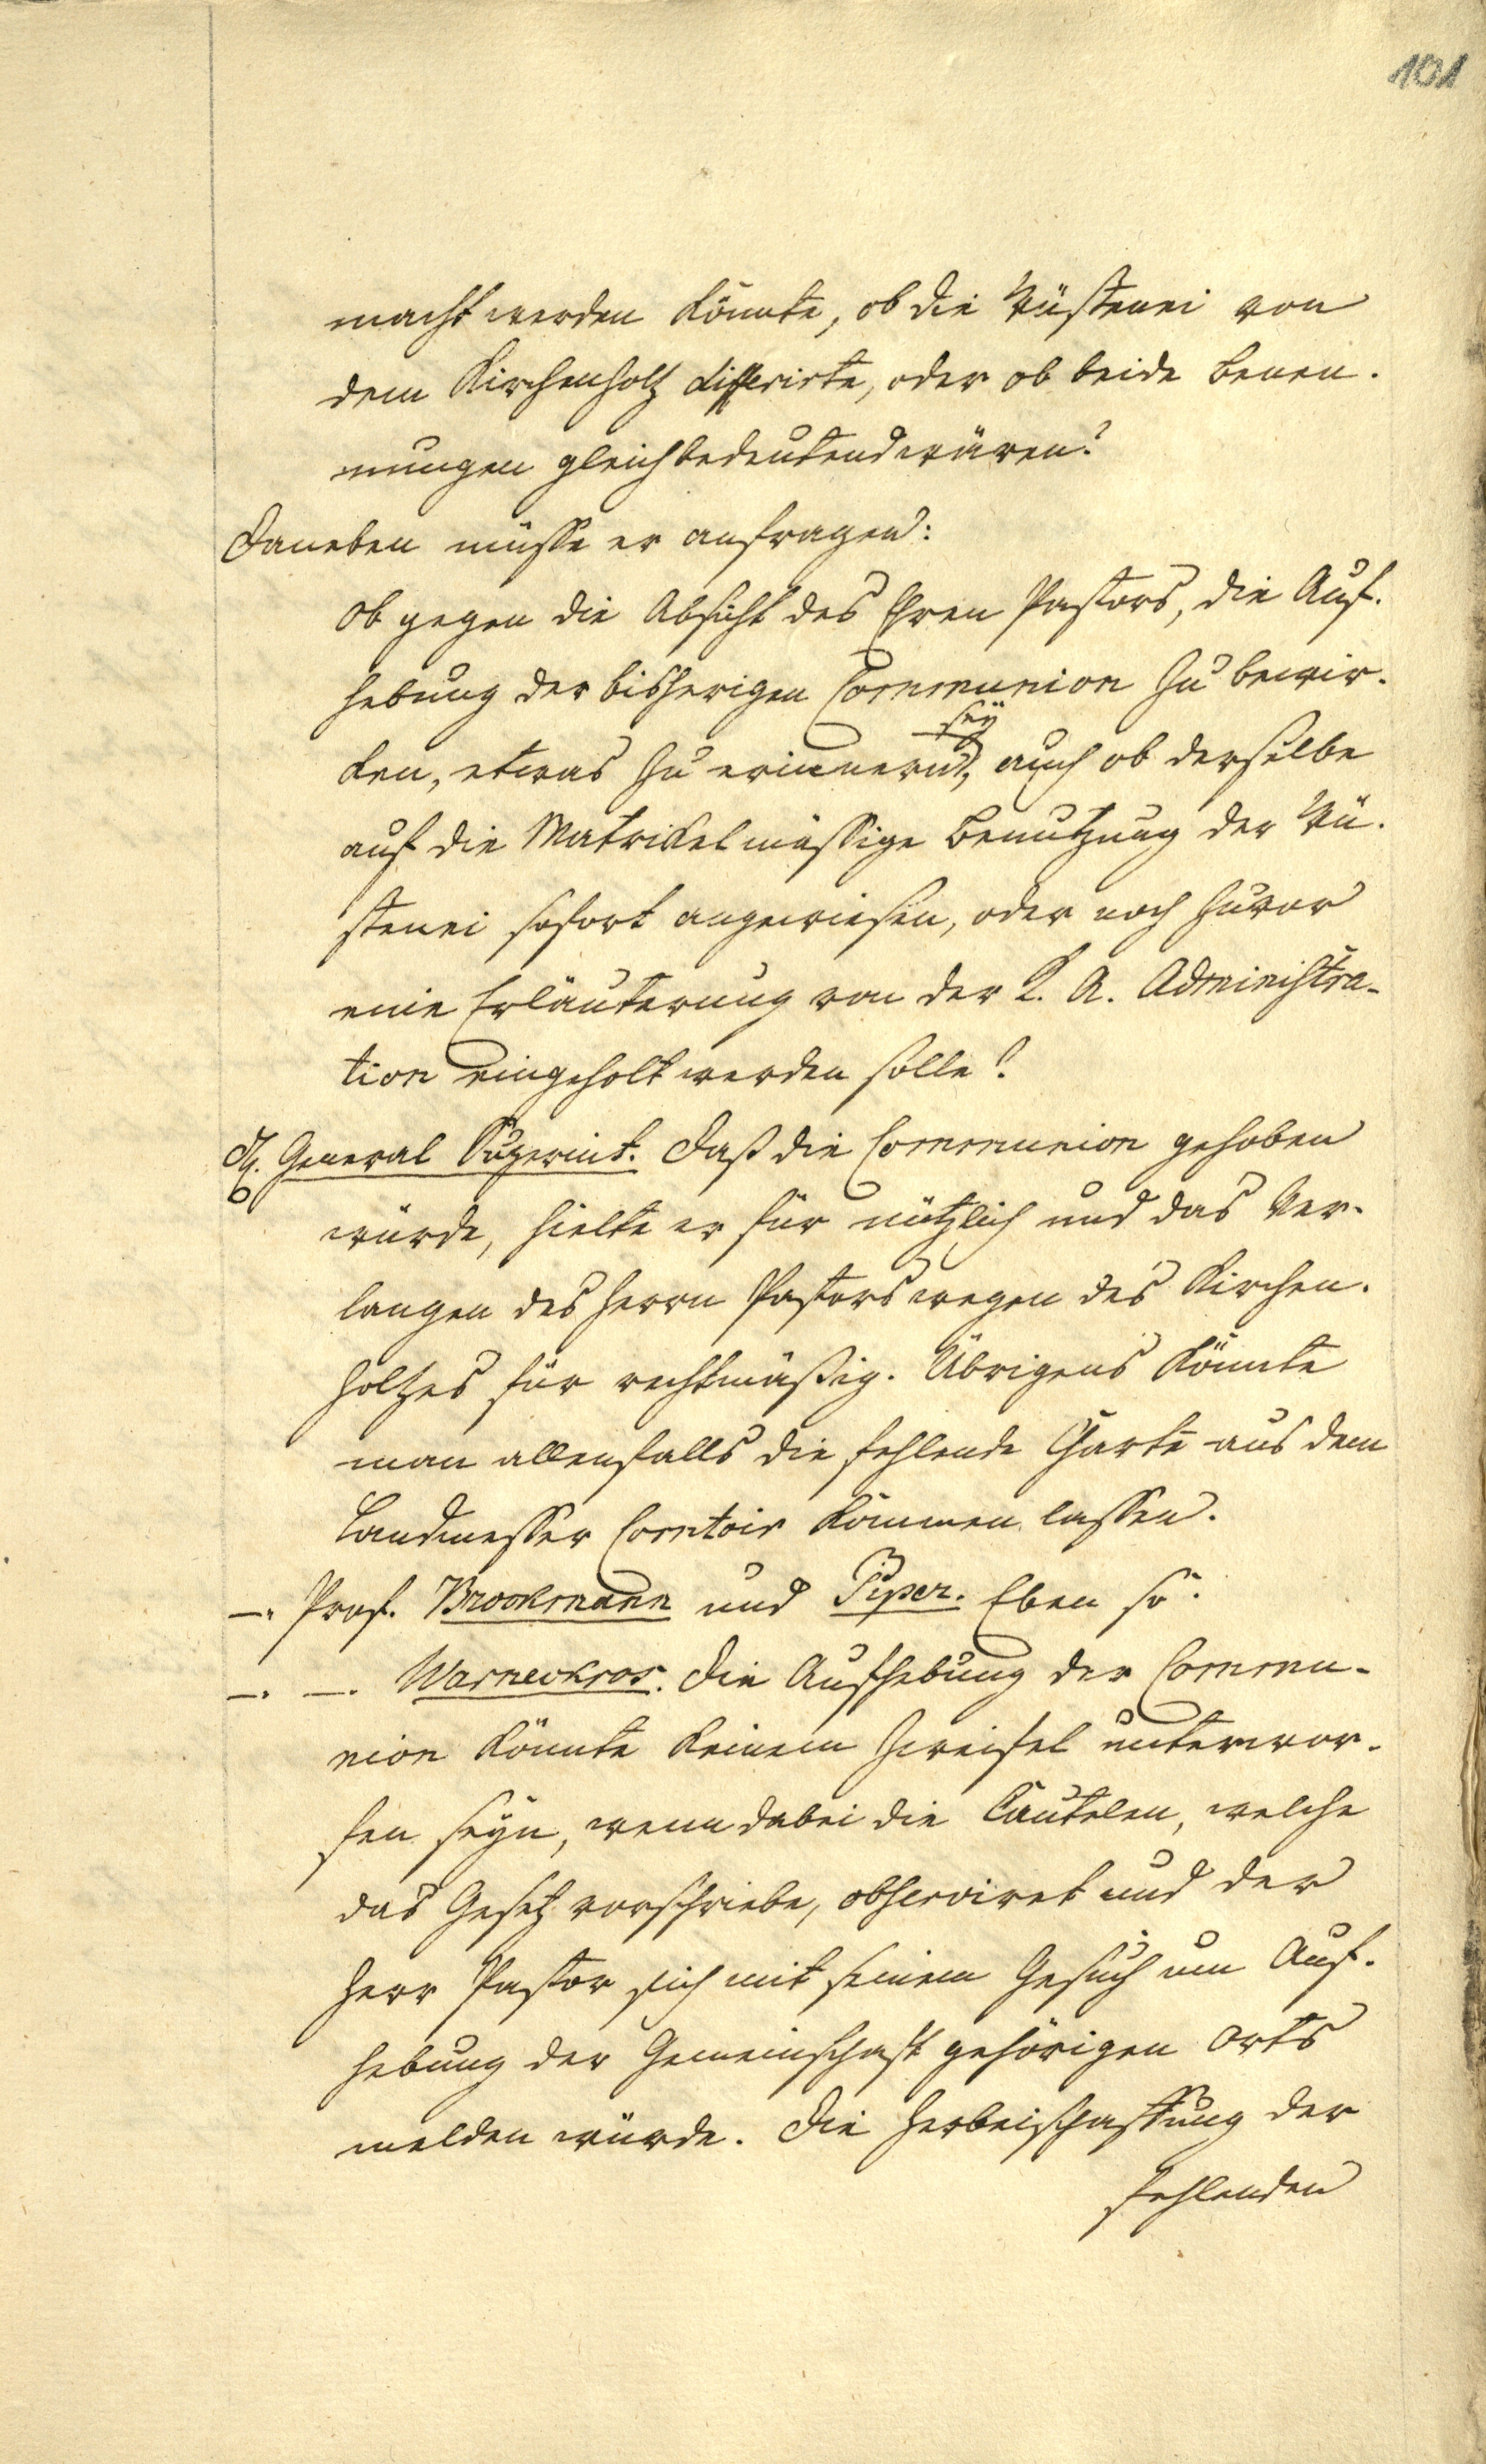macht werden könnte, ob die Wüstenei von
dem Kirchenholz differirte, der ob beide Benen¬
nungen gleichbedeutend wären?
Daneben müsse er anfragen:
ob gegen die Absicht des Ehren Pastors, die Auf¬
hebung der bisherigen Communion zu bewir¬
ken, etwas zu erinnern seÿ, auch ob derselbe
auf die Matrikel mässige Benutzung der Wü¬
stenei sofort angewiesen, oder noch zuvor
eine Erläuterung von der K. A. Administra¬
tion eingeholt werden solle?
dh. General Superint. Daß die Communion gehoben
würde, hielte er für nützlich und das Ver¬
langen des Herrn Pastors wegen des Kirchen¬
Holzes für rechtmäßig. Übrigens könnte
man allenfalls die fehlende Charte aus dem
Landmesser Comtoir kommen lassen.
Prof. Brockmann und Piper. Eben so.
Warneckros. Die Aufhebung der Commun¬
nion könnte keinem Zweifel unterwor¬
fen seÿn, wenn dabei die Cautelen, welche
das Gesetz vorschriebe, observiret und der
Herr Pastor sich mit seinem Gesuch um Auf¬
hebung der Gemeinschaft gehörigen Orts
melden würde. Die Herbeischaffung der
fehlenden